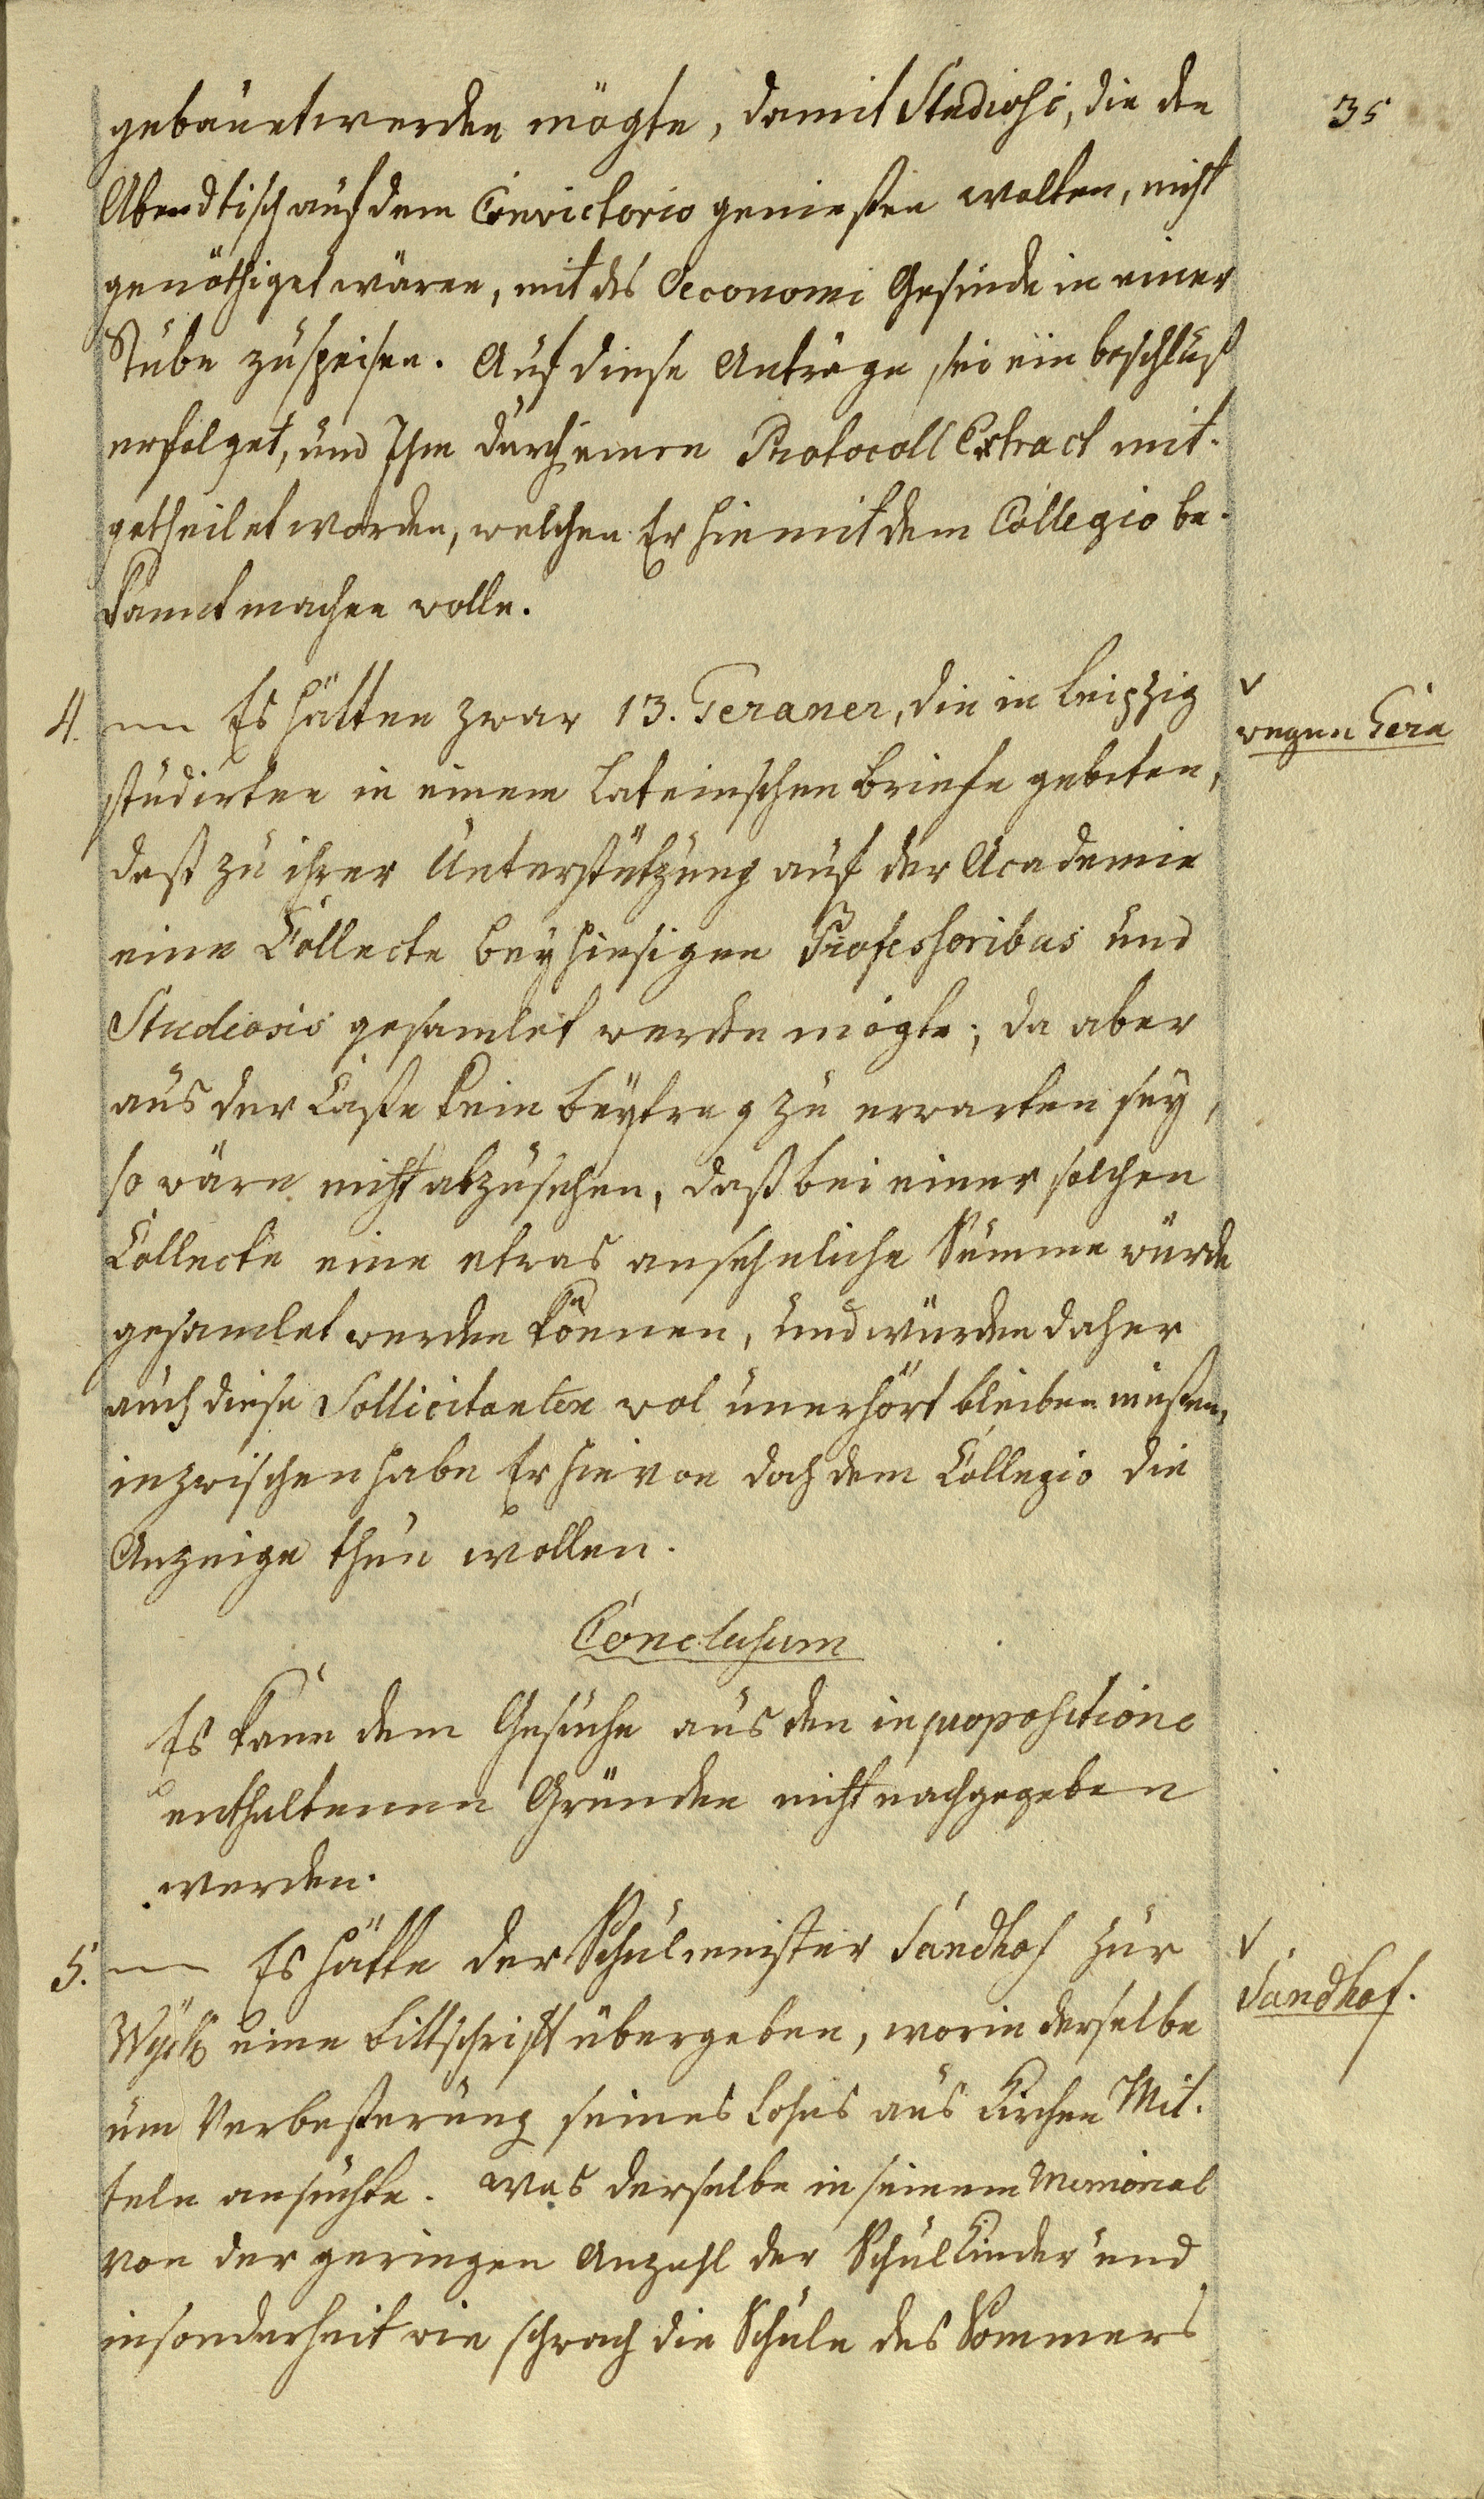gebaut werden mögte, damit Studiosi, die den
Abendtisch auf dem Convictorio genießen wolten, nicht
genöthiget wären, mit der Oeconomi Gesinde in einer
Stube zu speisen. Auf diese Anträge sei ein Beschluß
erfolget, und Ihm durch einen Protocoll Extract mit¬
getheilet worden, welchen Er hiemit dem Collegio be¬
kannt machen wolle.
4. Es hätten zwar 13 Geraner, die in Leipzig
studirten in einem lateinischen Briefe gebeten,
daß zu ihrer Unterstützung auf der Academie
eine Collecte beÿ hiesigen Professoribus und
Studiosis gesamlet werden mögte; da aber
aus der Casse kein Beÿtrag zu erwarten seÿ,
so wäre nicht abzusehen, daß bei einer solchen
Collecte eine etwas ansehnliche Summe würde
gesamlet werden können, und würden daher
auch diese Sollicitanten wol unerhört bleiben müßen,
inzwischen habe Er hievon doch dem Collegio die
Anzeige thun wollen.
Conclusum
Es kann dem Gesuche aus den in propositione
enthaltenen Gründen nicht nachgegeben
werden.
5. Es hätte der Schulmeister Sandhof zur
Wÿck eine Bittschrift übergeben, worin derselbe
um Verbeßerung seines Lohns aus Kirchen Mit¬
teln ansuchte. Was derselbe in seinem Memorial
von der geringen Anzahl der Schulkinder und
insonderheit wie schwach die Schule des Sommers